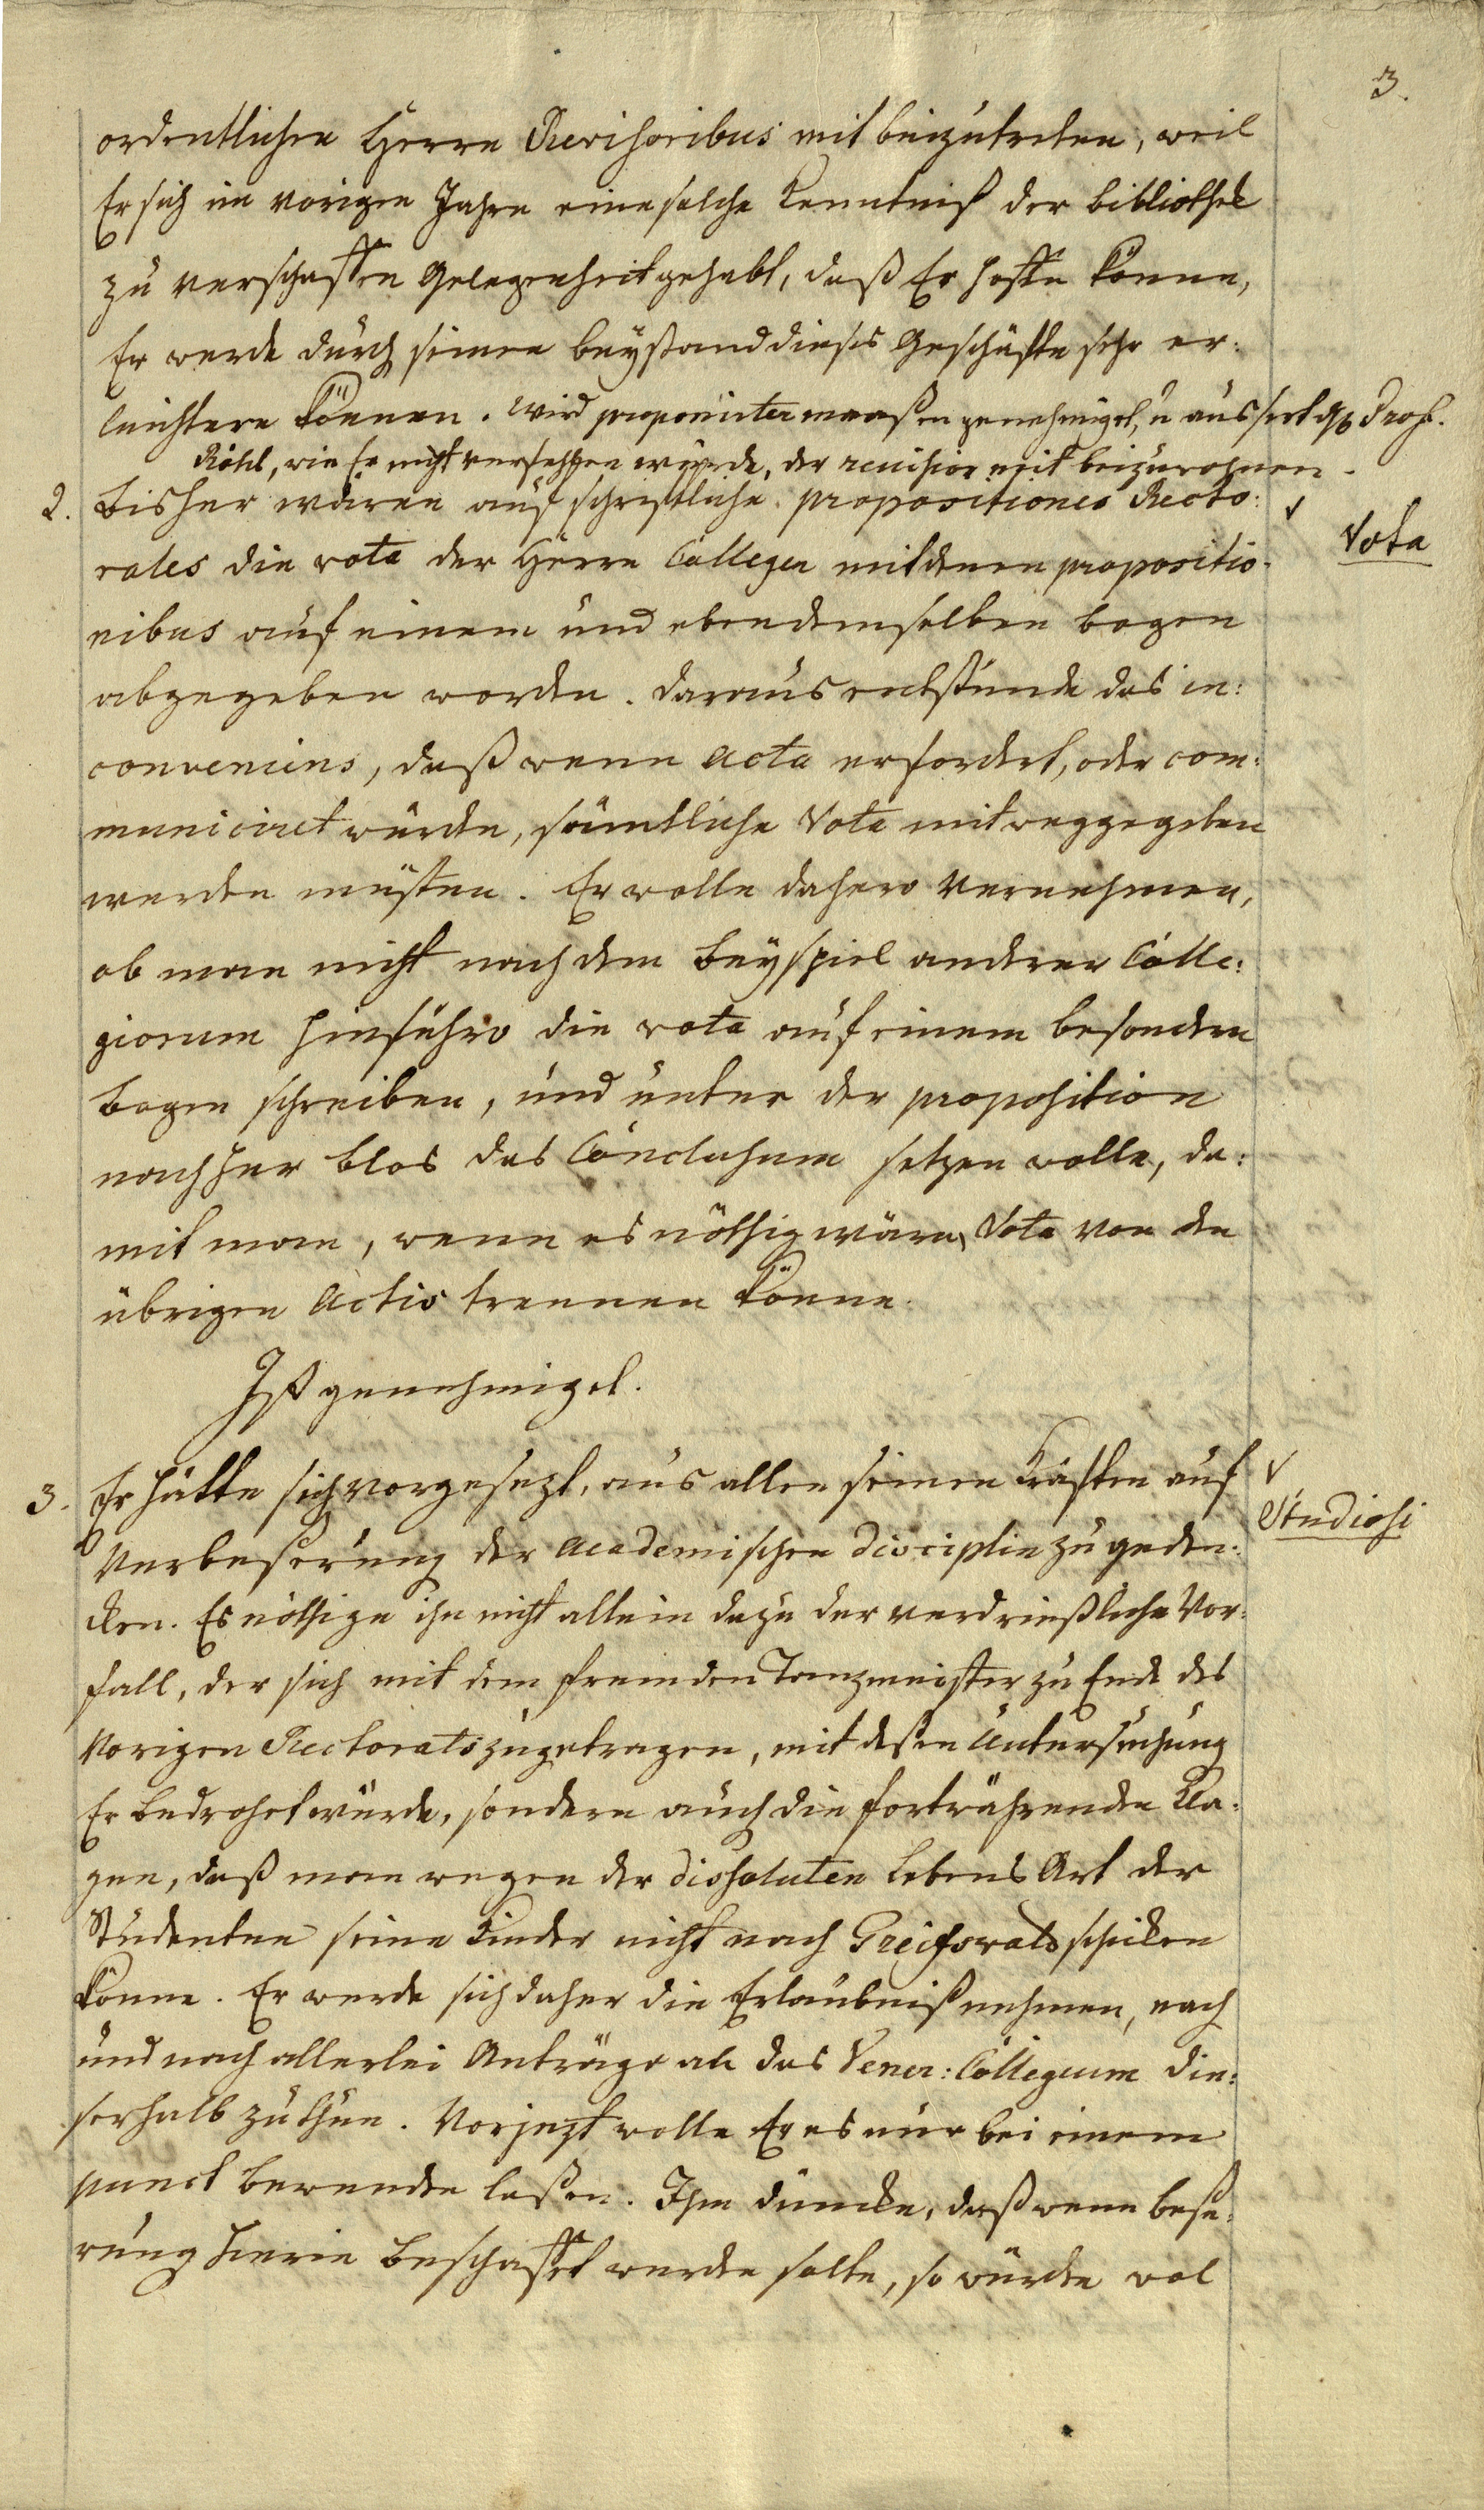ordentlichen Herrn Revisoribus mit beizutreten, weil
Er sich im vorigen Jahre eine solche Kenntniß der Bibliothek
zu verschaffen Gelegenheit gehabt, daß Er hoffen könne,
Er werde durch seinen Beÿstand dieses Geschäfte sehr er¬
leichtern können. Wird proponirter maaßen genehmiget, u äussert dh Prof.
Röhl, wie Er nicht verfehlen würde, der revision mit beizuwohnen
2. Bisher wären auf schriftliche propositiones Recto¬
rales die vota der Herrn Collegen mit denen propositio¬
nibus auf einem und ebendemselben Bogen
abgegeben worden. Daraus entstünde das in¬
conveniens, daß wenn acta erfordert, oder com¬
municiret würden, sämtliche Vota mit weggeben
werden müsten. Er wolle dahero vernehmen,
ob man nicht nach dem Beÿspiel anderer Colle¬
giorum hinführo die vota auf einem besondern
Bogen schreiben, und unter der proposition
nach her blos das Conclusum setzen wolte, da¬
mit man, wenn es nöthig wäre, Vota von den
übrigen Actis trennen könne.
Ist genehmiget.
3. Er hätte sich vorgesezt, aus allen seinen Kräften auf
Studiosi
Verbeßerung der Academischen Disciplin zu geden¬
cken. Es nöthige ihn nicht allein dazu der verdrießliche Vor¬
fall, der sich mit dem fremden Tanzmeister zu Ende des
vorigen Rectorats zugetragen, mit dessen Untersuchung
Er bedrohet würde, sondern auch die fortwährenden Kla¬
gen, daß man wegen der dissoluten Lebens Art der
Studenten seine Kinder nicht nach Greifswald schicken
könne. Er werde sich daher die Erlaubniß nehmen, nach
und nach allerlei Anträge an das Vener: Collegium die¬
serhalb zu thun. Vorjezt wole Er es nur bei einem
punct bewenden laßen. Ihm düncke, daß wenn beße¬
rung hierin beschaffet werden solte, so würde wol